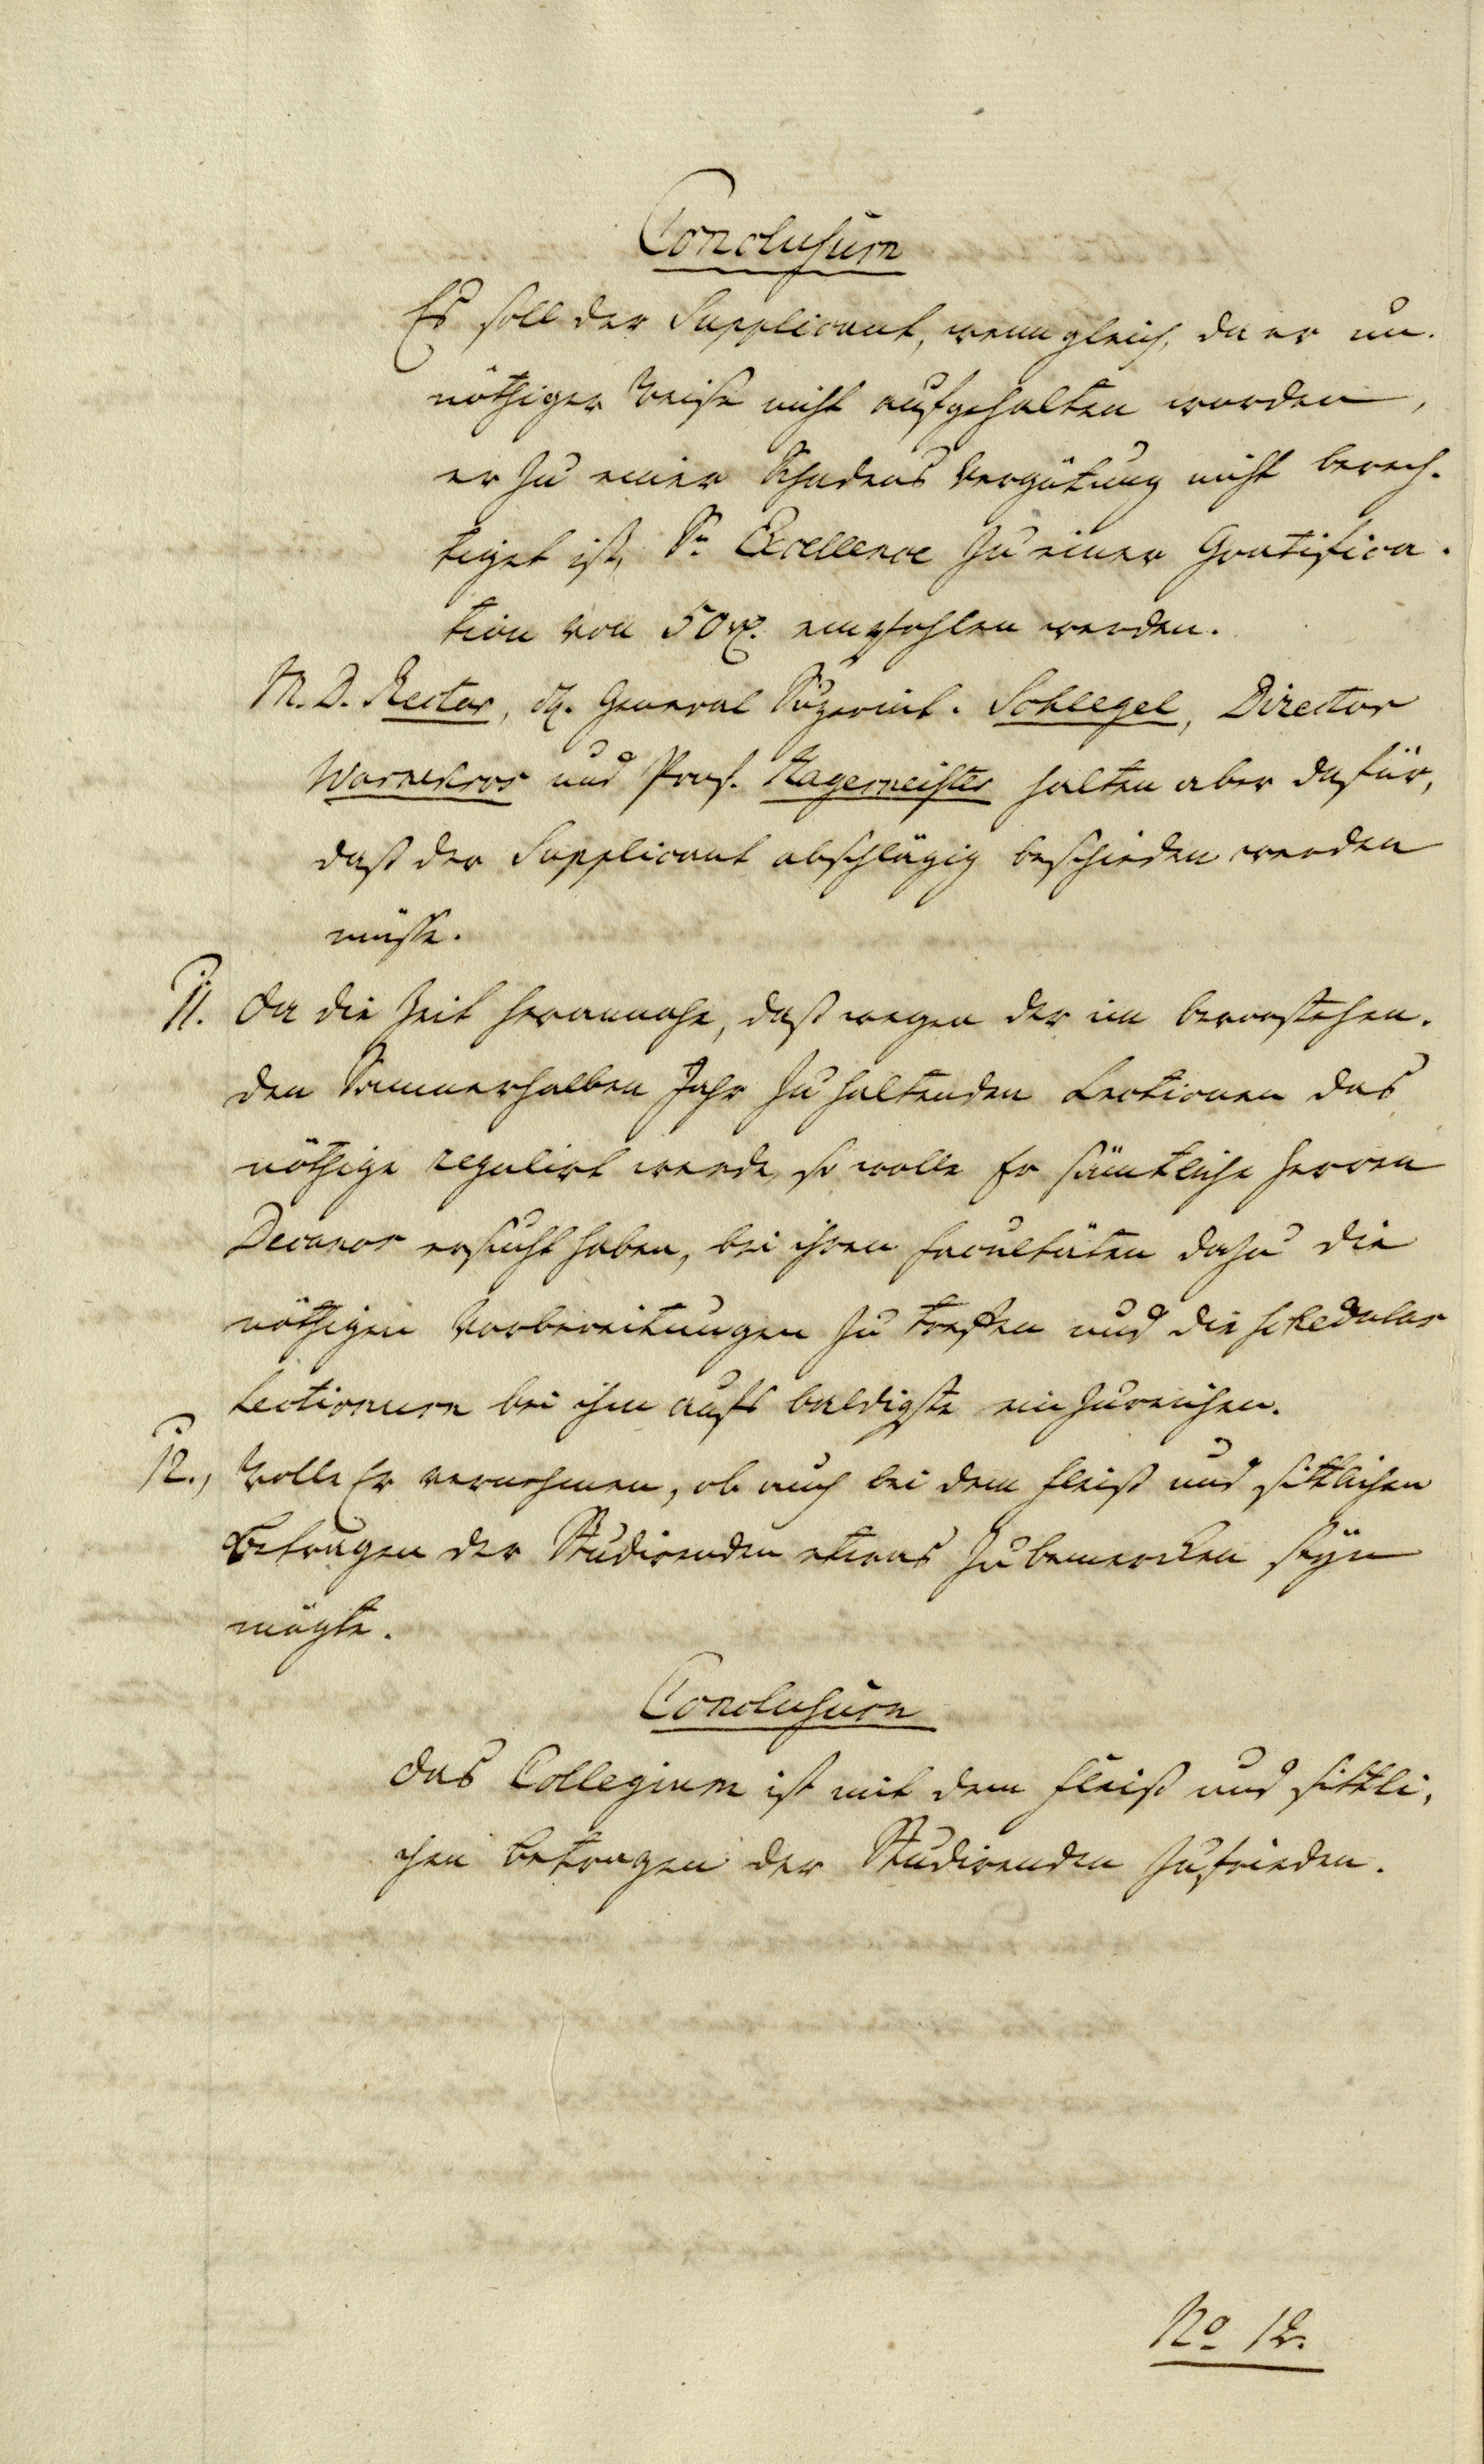Conclusum
Es soll der Supplicant, wenngleich, da er un¬
nöthiger Weise nicht aufgehalten worden,
er zu einer Schadens Vergütung nicht berech¬
tiget ist, Sr Excellence zu einer Gratifica¬
tion von 50 rl. empfohlen werden.
M. D. Rector, dh. General Superint. Schlegel, Director
Warnekros und Prof. Hagemeister halten aber dafür,
daß der Supplicant abschlägig beschieden werden
müsse.
11. Da die Zeit herannahe, daß wegen der im bevorstehen¬
den Sommerhalben Jahr zu haltenden Lectionen das
nöthige regulirt werde, so wolle Er sämtliche Herren
Decanos ersucht haben, bei ihren Facultäten dazu die
nöthigen Vorbereitungen zu treffen und die Schedulas
Lectionum bei ihm aufs baldigste einzureichen.
12., Wolle Er vernehmen, ob auch bei dem Fleiß und sittlichen
Betragen der Studirenden etwas zu bemercken seÿn
mögte.
Conclusum
Das Collegium ist mit dem Fleiß und sittli¬
chen Betragen der Studirenden zufrieden.
No 12.